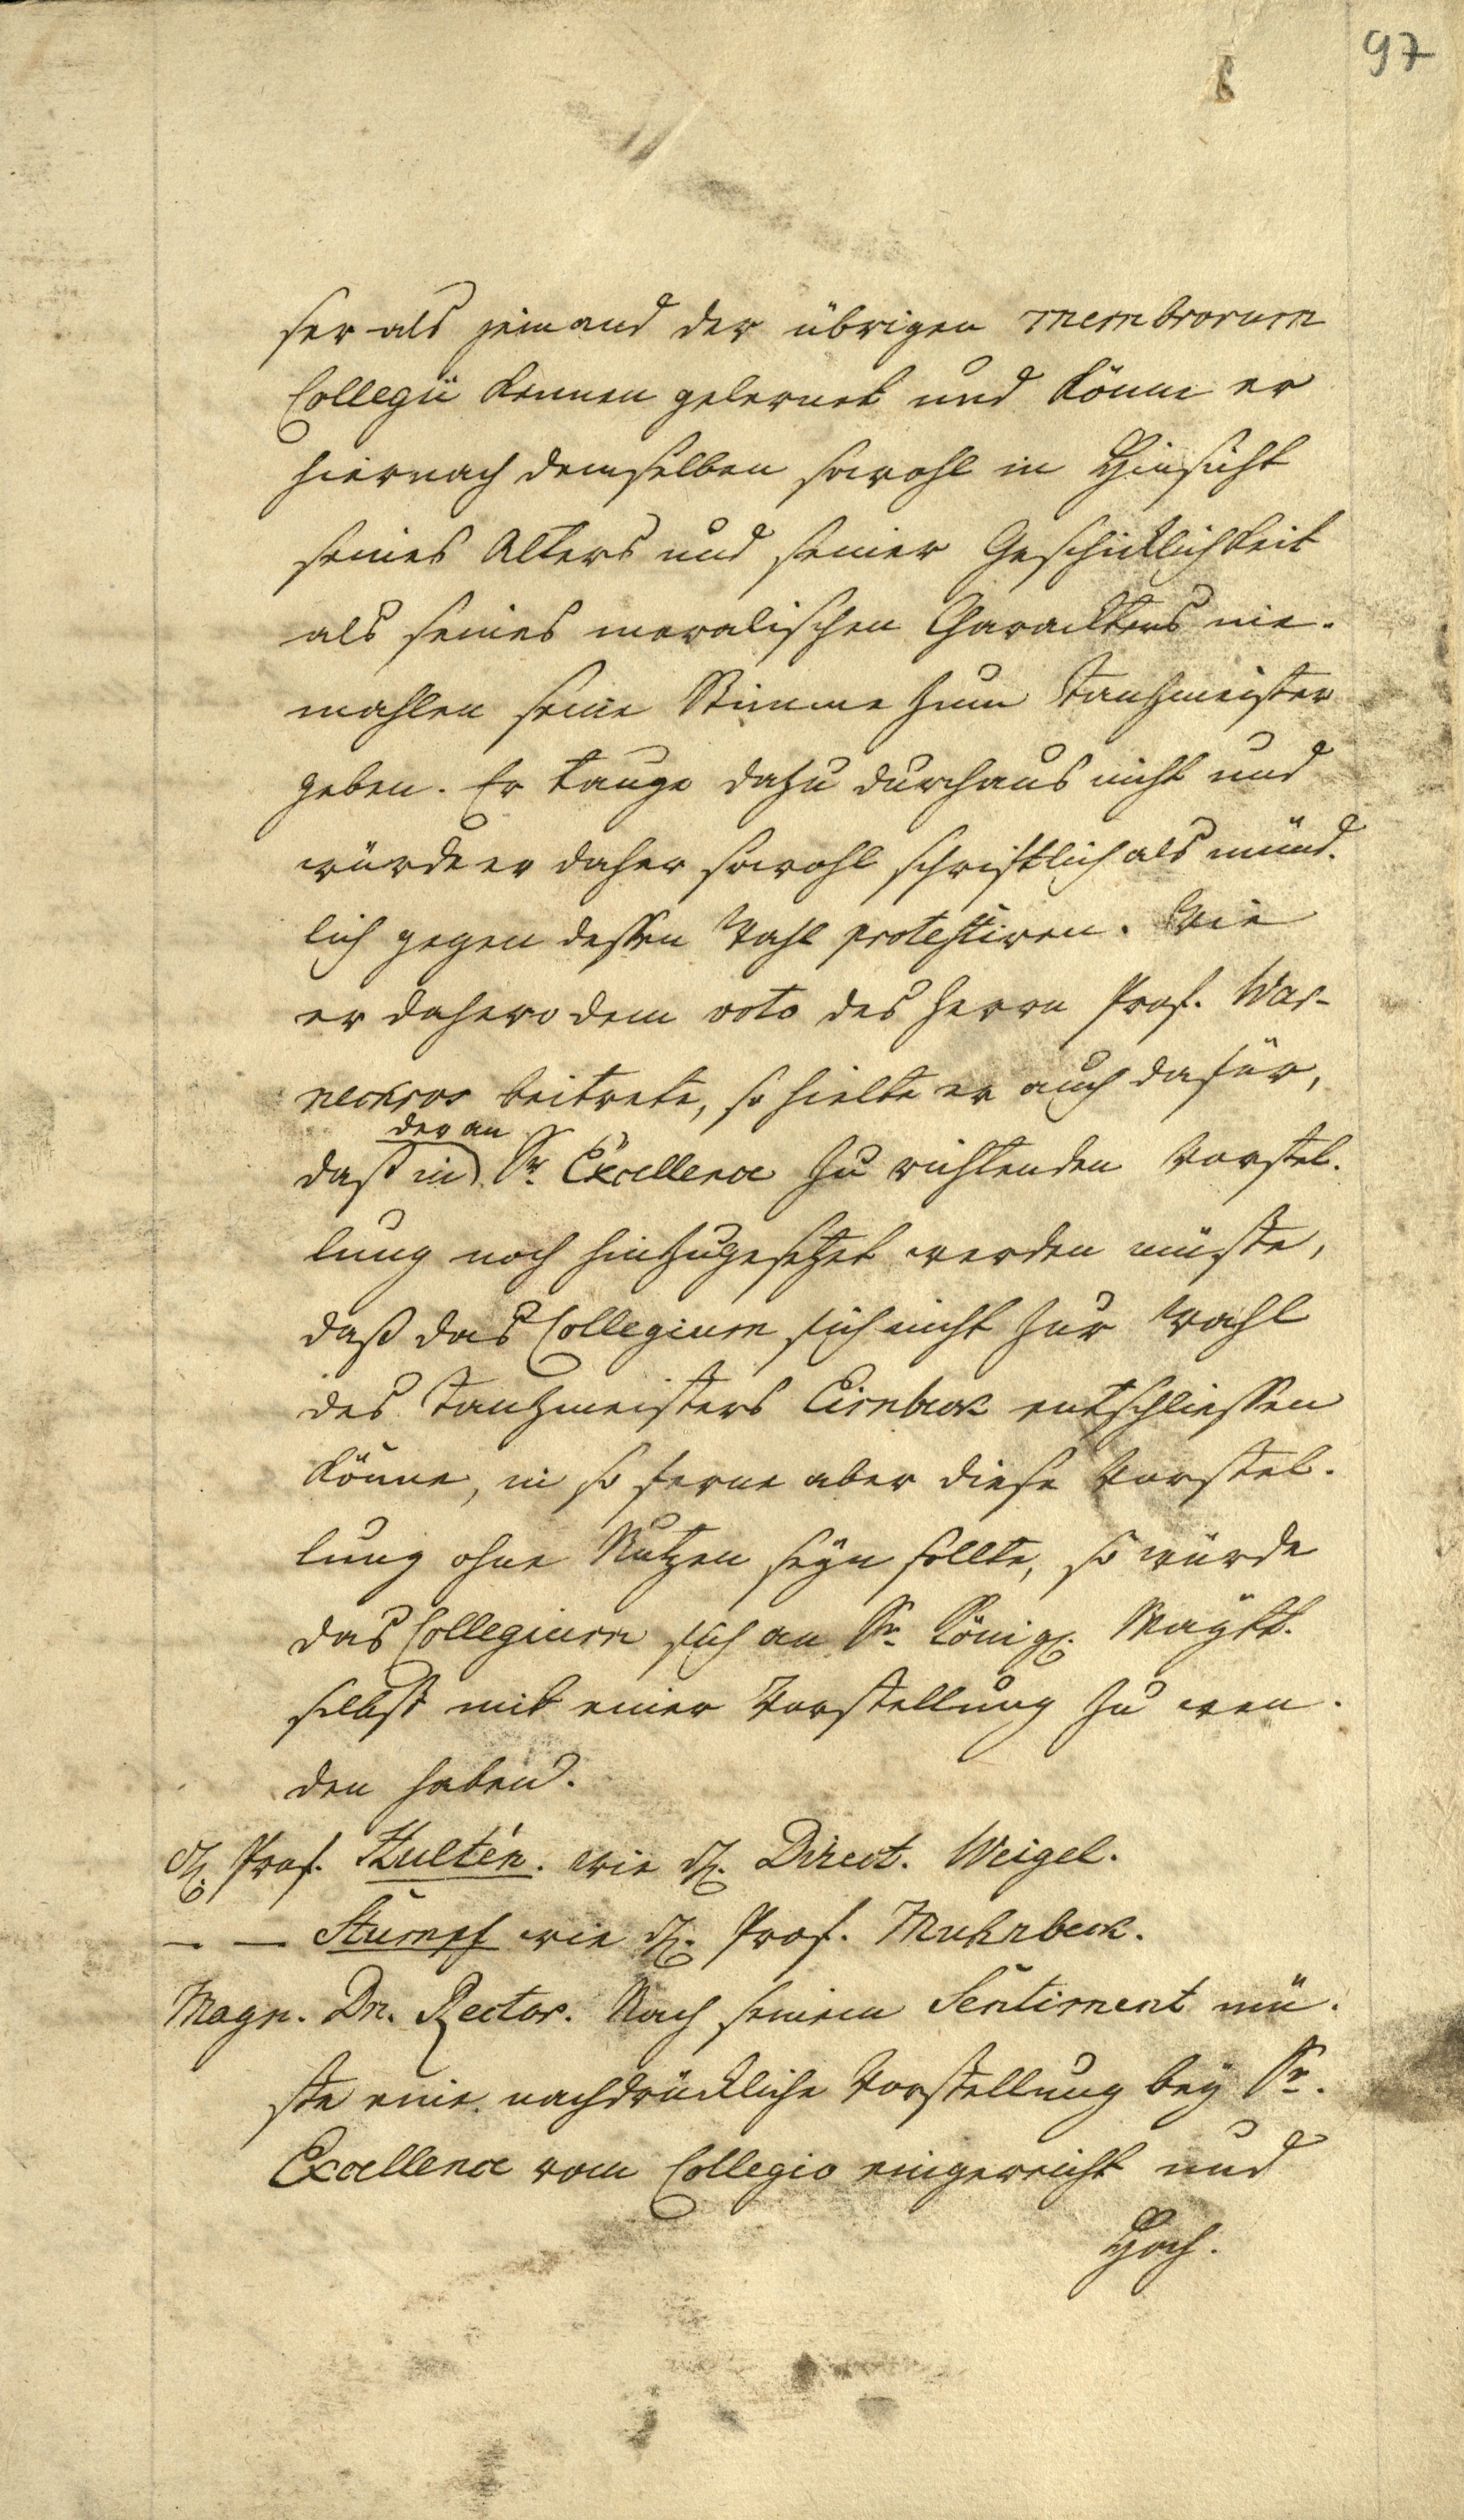er als jemand der übrigen membrorum
Collegii kennen gelernet und könne er
hiernach demselben sowohl in Hinsicht
seines Alters und seiner Geschicklichkeit
als seines meralischen Charackters nie¬
mahlen seine Stimme zum Tanzmeister
geben. Er tauge dazu durchaus nicht und
würde er daher sowohl schriftlich als münd¬
lich gegen dessen Wahl protestiren. Wie
er daher dem voto des Herrn Prof. War¬
neckros beitrete, so hielte er auch dafür,
der an
daß in Sr Excellence zu richtenden Vorstel¬
lung noch hinzugesetzt werden müßte,
daß das Collegium sich nicht zur Wahl
des Tanzmeisters Eimbeck entschliessen
könne, in so ferne aber diese Vorstel¬
lung ohne Nutzen seyn sollte, so würde
das Collegium sich an Sr Königl. Maÿtt.
selbst mit einer Vorstellung zu wen¬
den haben.
dh. Prof. Hultén. wie dh. Direct. Weigel.
Stumpf wie dh. Prof. Muhrbeck.
Magn. Dn. Rector. Nach seinem Sentiment mü¬
ste eine nachdrückliche Vorstellung beÿ Sr
Excellence vom Collegio eingereicht und
Hoch-